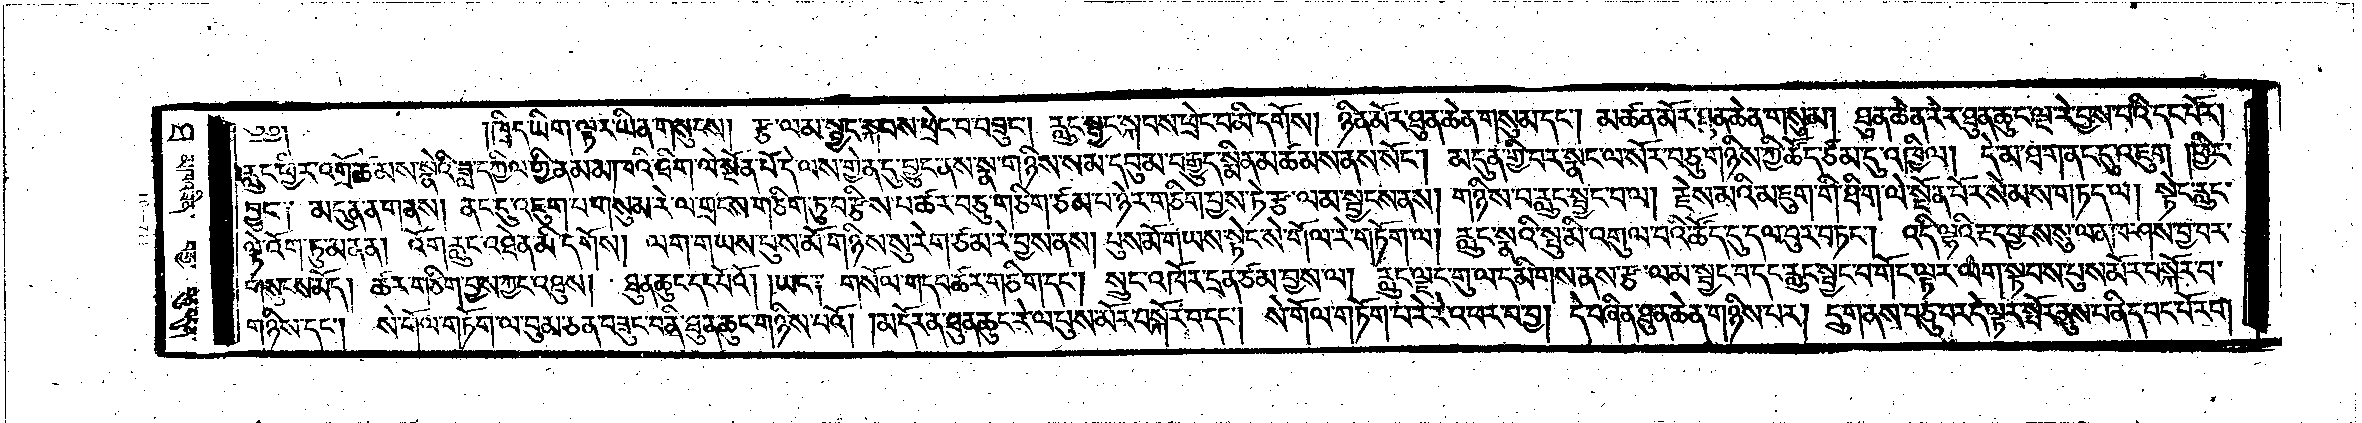༄༅། །ཁྲིད་ཡིག་ལྟར་ཡིན་གསུངས། རྩ་ལམ་སྦྱང་སྐབས་ཕྲེང་བ་བཟུང་། རླུང་སྦྱང་སྐབས་ཕྲེང་བ་མི་དགོས། ཉིན་མོར་ཐུན་ཆེན་གསུམ་དང་། མཚན་མོར་ཐུན་ཆེན་གསུམ། ཐུན་ཆེན་རེར་ཐུན་ཆུང་ལྔ་རེ་བྱས་པའི་དང་པོར།
རླུང་ཕྱིར་འགྲོ་ཚེ་མས་སྣེའི་ཟླ་དཀྱིལ་གྱི་ནམ་མཁའི་ཐིག་ལེ་སྔོན་པོ་དེ་ལས་གྱེན་དུ་བྱུང་ནས་སྣ་གཉིས་སམ་དབུ་མ་བརྒྱུད་སྨིན་མཚམས་ནས་སོང་། མདུན་གྱི་བར་སྣང་ལ་སོར་བཅུ་གཉིས་ཀྱི་ཚེད་ཙམ་དུ་འཁྱིལ། དེ་མ་ཐག་ནང་དུ་འཇུག །ཕྱིར་
བྱུང༑ མདུན་ན་གནས། ནང་དུ་འཇུག་པ་གསུམ་རེ་ལ་གྲངས་གཅིག་ཏུ་བརྩིས་པ་ཚར་བཅུ་གཅིག་ཙམ་པ་ཉེར་གཅིག་བྱས་ཏེ་རྩ་ལམ་སྦྱངས་ནས། གཉིས་བརླུང་སྦྱང་བ་ལ། རྗེས་མའི་མཇུག་གི་ཐིག་ལེ་སྔོན་པོར་སེམས་གཏད་ལ། སྟེང་རླུང་
ལྟེ་འོག་ཏུ་མནན། འོག་རླུང་འཐེན་མི་དགོས། ལག་གཡས་པུས་མོ་གཉིས་སུ་རེག་ཙམ་རེ་བྱས་ནས། པུས་མོ་གཡས་སྟེང་སེ་གོལ་རེ་གཏོག་ལ། རླུང་སྣའི་སྤུ་མི་འགུལ་པའི་ཚོད་དུ་དལ་བུར་བཏང་། འདི་ལྷའི་རྔ་དབྱངས་སུ་ལན་ཁ་ཤས་བྱ་བར་
གསུངས་མོད། ཚར་གཅིག་བྱས་ཀྱང་འཐུས། ཐུན་ཆུང་དང་པོའོ། །ཡང༑ གསོལ་གདབ་ཚར་གཅིག་དང་། སྲུང་འཁོར་དྲན་ཙམ་བྱས་ལ། རླུང་ལྗང་གུ་ལ་དམིགས་ནས་རྩ་ལམ་སྦྱང་བ་དང་རླུང་སྦྱང་བ་གོང་ལྟར་ལག་སྟབས་པུས་མོར་བསྐོར་བ་
གཉིས་དང་། སེ་གོལ་གཏོག་ལ་བུམ་ཅན་བཟུང་པ་ནི་ཐུན་ཆུང་གཉིས་པའོ། །མདོར་ན་ཐུན་ཆུང་རེ་ལ་པུས་མོར་བསྐོར་བ་དང་། སེ་གོལ་གཏོག་པ་རེ་རེ་འཕར་བ་བྱ། དེ་བཞིན་ཐུན་ཆེན་གཉིས་པར། དྲུག་ནས་བཅུ་པར་དེ་ལྟར་སྤོར་ནུས་པ་ནི་དབང་པོ་རབ།